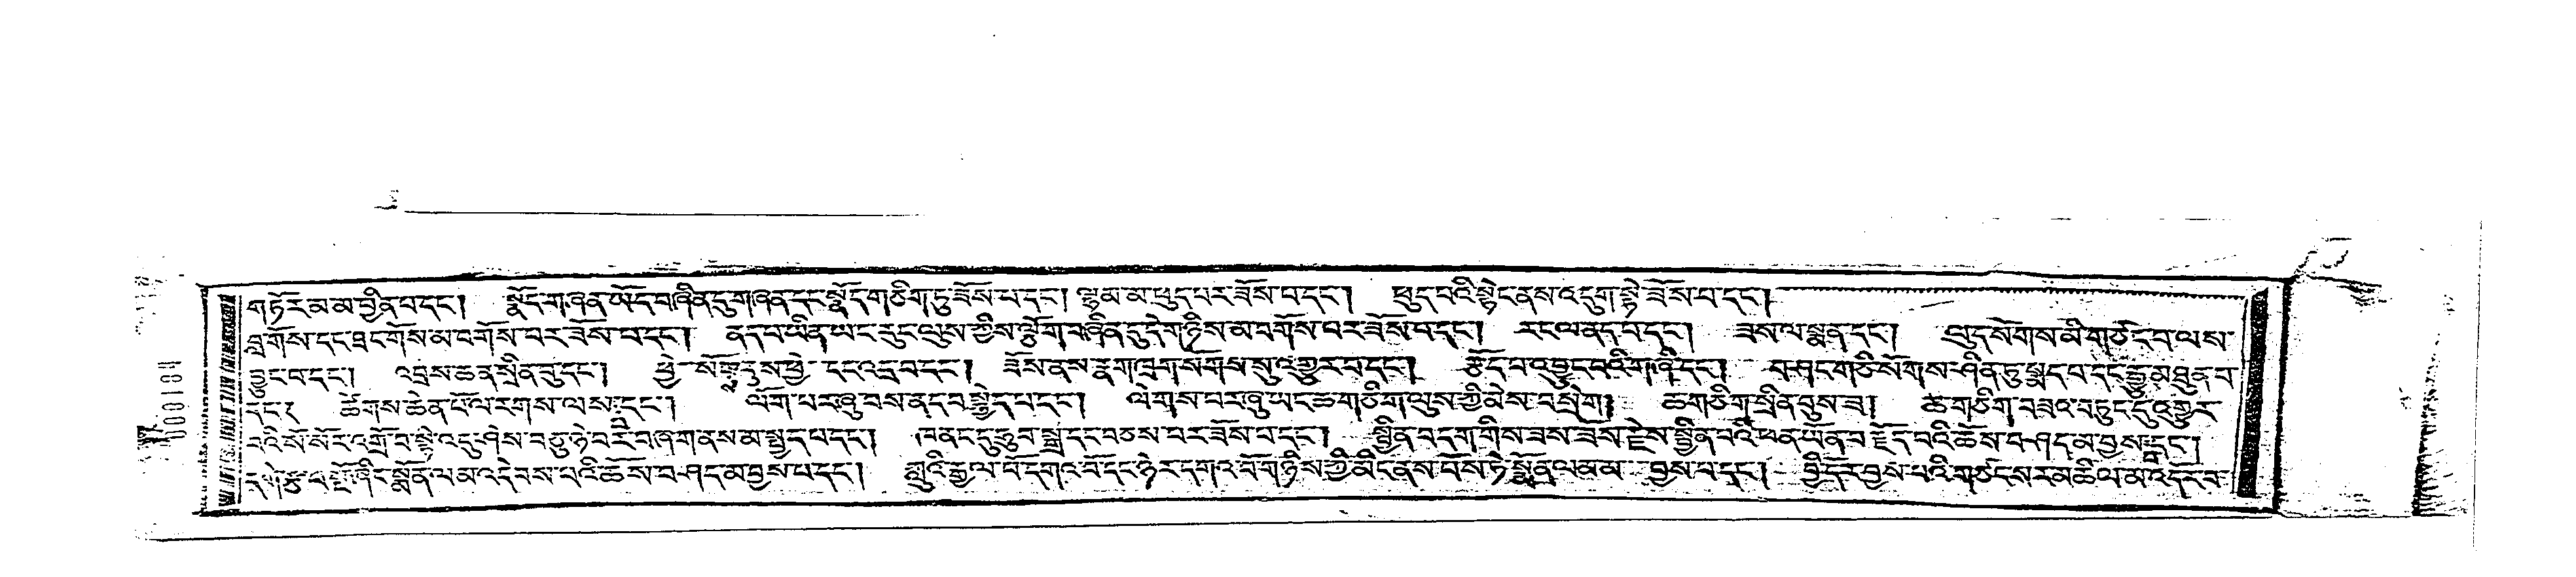གཏོར་མ་མ་བྱིན་པ་དང་། སྣོད་གཞན་ཡོད་བཞིན་དུ་གཞན་དང་སྣོད་གཅིག་ཏུ་ཟོས་པ་དང་། ལྷམ་མ་ཕུད་པར་ཟོས་པ་དང་། ཕུད་པའི་སྟེང་ནས་འདུག་སྟེ་ཟོས་པ་དང་།
བླ་གོས་དང་ཐང་གོས་མ་བགོས་པར་ཟོས་པ་དང་། ནད་པ་ཡིན་ཡང་རུང་ལུས་ཀྱིས་ལྕོག་བཞིན་དུ་དེ་གཉིས་མ་བགོས་པར་ཟོས་པ་དང་། རང་ལ་ནད་པ་དང་། ཟས་ལ་སྨན་དང་། ལུད་སོགས་མི་གཙང་བ་ལས་
བྱུང་བ་དང་། འབྲས་ཆན་སྲིན་བུ་དང་། ཕྱེ་སོགས་རུས་ཕྱེ་དང་འདྲ་བ་དང་། ཟོས་ནས་རྣག་ཁྲག་སོགས་སུ་འགྱུར་བ་དང་། རྩོད་པ་འབྱུང་བའི་གཞི་དང་། བཤང་གཅི་སོགས་ཤིན་ཏུ་སྨད་པ་དང་རྒྱུ་མཐུན་པ་
དང༑ ཚེགས་ཆེན་པོ་ལ་རགས་ལས་པ་དང་། ལོག་པར་ཞུ་བས་ནད་བསྐྱེད་པ་དང་། ལེགས་པར་ཞུ་ཡང་ཆ་གཅིག་ལུས་ཀྱི་མེས་བསྲེག། ཆ་གཅིག་སྲིན་བུས་ཟ། ཆ་གཅིག་བཟའ་བཏུང་དུ་འགྱུར་
བའི་སོ་སོར་འགྲོ་བ་སྟེ་འདུ་ཤེས་བཅུ་ཉེ་བར་བཞག་ནས་མ་སྤྱད་པ་དང་། ཁ་ནང་དུ་ཧུབ་སྒྲ་དང་བཅས་པར་ཟོས་པ་དང་། སྦྱིན་བདག་གིས་ཟས་ཟོས་རྗེས་སྦྱིན་པའི་ཕན་ཡོན་བརྗོད་པའི་ཆོས་བཤད་མ་བྱས་པ་དང་།
དགེ་རྩ་བསྔོ་ཞིང་སྨོན་ལམ་འདེབས་པའི་ཆོས་བཤད་མ་བྱས་པ་དང་། ཀླུའི་རྒྱལ་པོ་དགའ་བོ་དང་ཉེར་དགའ་བོ་གཉིས་ཀྱི་མིང་ནས་པོས་ཏེ་སྨོན་ལམ་མ་བྱས་པ་དང་། བྱི་དོར་བྱས་པའི་གཙང་སར་མཆིལ་མ་འདོར་བ་